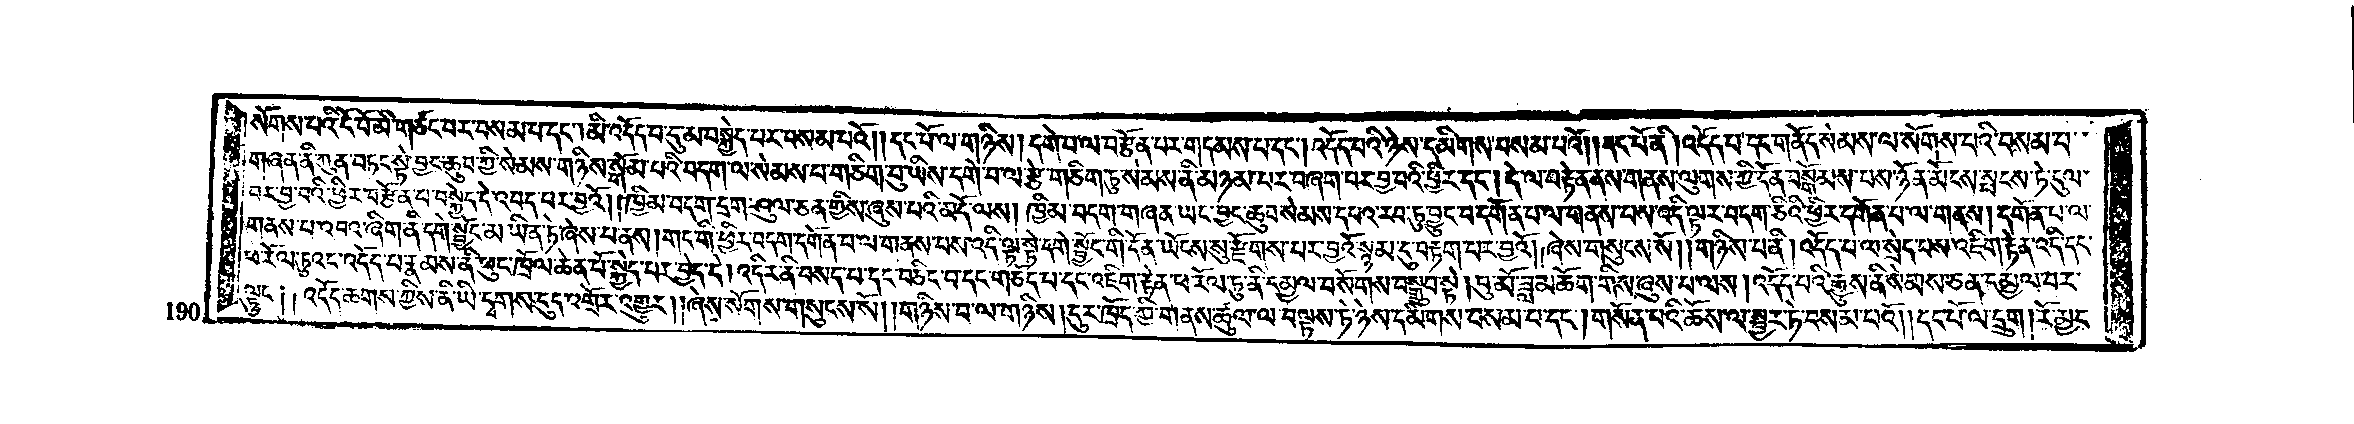སོགས་པའི་ངོ་བོ་གཙང་བར་བསམ་པ་དང་། མི་འདོད་པ་དུ་མ་བསྐྱེད་པར་བསམ་པའོ། །དང་པོ་ལ་གཉིས། དགེ་བལ་བརྩོན་པར་གདམས་པ་དང་། འདོད་པའི་ཉེས་དམིགས་བསམ་པའོ། །དང་པོ་ནི། འདོད་པ་དང་གནོད་སེམས་ལ་སོགས་པའི་བསམ་པ་
གཞན་ནི་ཀུན་བཏང་སྟེ་བྱང་ཆུབ་ཀྱི་སེམས་གཉིས་སྒོམ་པའི་བདག་ལ་སེམས་པ་གཅིག་པུ་ཡིས་དགེ་བ་ལ་རྩེ་གཅིག་ཏུ་སེམས་ནི་མཉམ་པར་བཞག་པར་བྱ་བའི་ཕྱིར་དང་། དེ་ལ་བརྟེན་ནས་གནས་ལུགས་ཀྱི་དོན་བསྒོམས་པས་ཉོན་མོངས་སྤངས་ཏེ་དུལ་
བར་བྱ་བའི་ཕྱིར་བརྩོན་པ་བསྐྱེད་དེ་འབད་པར་བྱའོ། །ཁྱིམ་བདག་དྲག་ཤུལ་ཅན་གྱིས་ཞུས་པའི་མདོ་ལས། ཁྱིམ་བདག་ཞན་ཡང་བྱང་ཆུབ་སེམས་དཔའ་རབ་ཏུ་བྱུང་བ་དགོན་པ་ལ་གནས་པས་འདི་ལྟར་བདག་ཅིའི་ཕྱིར་དགོན་པ་ལ་གནས། དགོན་པ་ལ་
གནས་པ་འབའ་ཞིག་ནི་དགེ་སྦྱོང་མ་ཡིན་ཏེ་ཞེས་པ་ནས། གང་གི་ཕྱིར་བདག་དགོན་པ་ལ་གནས་པས་འདི་ལྟ་སྟེ་དགེ་སྦྱོང་གི་དོན་ཡངས་སུ་རྫོགས་པར་བྱའོ་སྙམ་དུ་བརྟག་པར་བྱའོ། །ཞེས་གསུངས་སོ། །གཉིས་པ་ནི། འདོད་པ་ལ་སྲེད་པས་འཇིག་རྟེན་འདི་དང་
ཕ་རོལ་ཏུའང་འདོད་པ་རྣམས་ནི་ཁུང་ཁྲོལ་ཆེན་པོ་སྐྱེད་པར་བྱེད་དེ། འདིར་ནི་བསད་པ་དང་བཅིང་པ་དང་གཅོད་པ་དང་འཇིག་རྟེན་ཕ་རོལ་ཏུ་ནི་དམྱལ་བ་སོགས་བསྒྲུབ་སྟེ། བུ་མོ་ཟླ་མཆོག་གིས་ཞུས་པ་ལས། འདོད་པའི་རྒྱུས་ནི་སེམས་ཅན་དམྱལ་བར་
ལྟུང༑ ༑འདོད་ཆགས་ཀྱིས་ནི་ཡི་དྭགས་དུད་འགྲོར་འགྱུར། །ཞེས་སོགས་གསུངས་སོ། །གཉིས་པ་ལ་གཉིས། དུར་ཁྲོད་ཀྱི་གནས་ཚུལ་ལ་བལྟས་ཏེ་ཉེས་དམིགས་བསམ་པ་དང་། གསོན་བའི་ཆོས་ལ་སྦྱར་ཏེ་བསམ་པའོ། །དང་པོ་ལ་དྲུག །རོ་མྱང་